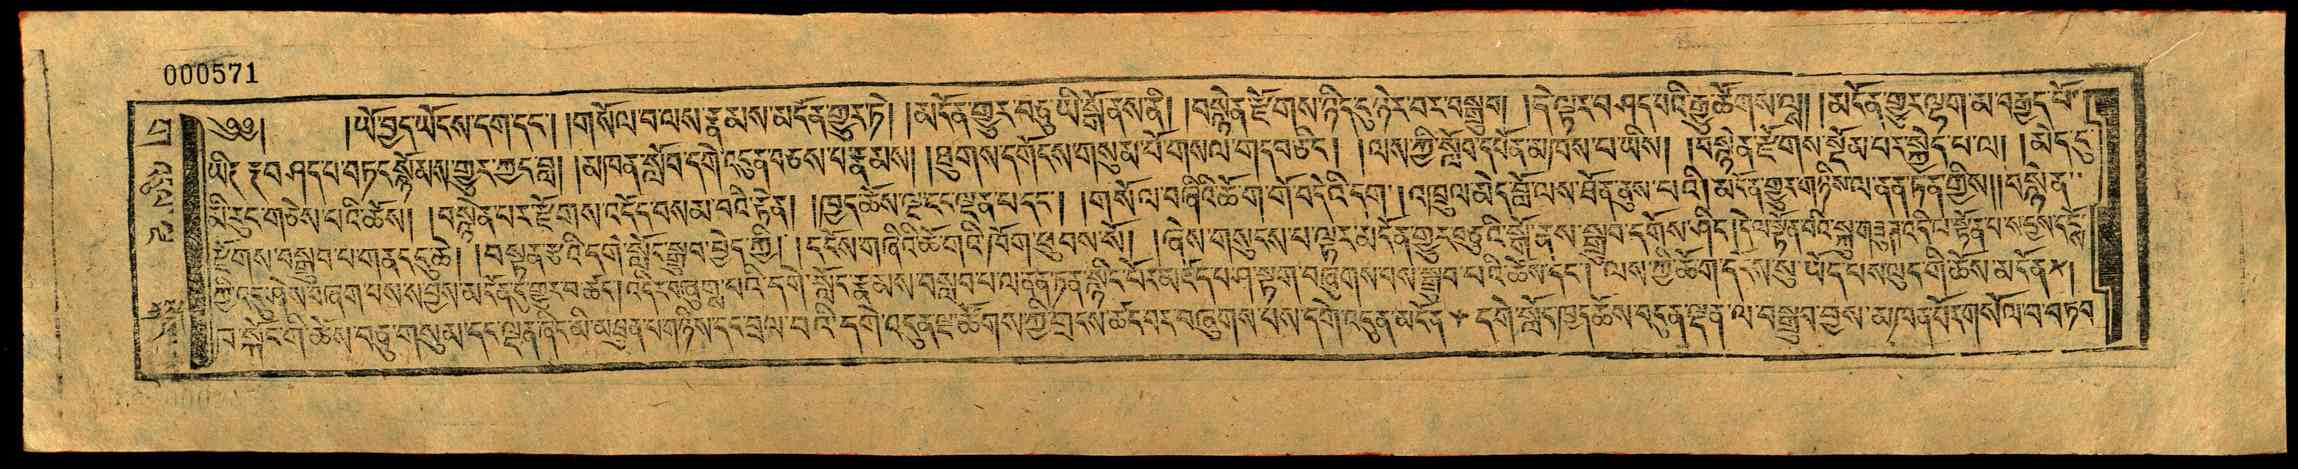༄༅། །ཡོ་བྱད་ཡོངས་དག་དང་། །གསོལ་བ་ལས་རྣམས་མངོན་གྱུར་ཏེ། །མགོན་གྱུར་བཅུ་ཡི་སྒོ་ནས་ནི། །བསྙེན་རྫོགས་ཉིད་དུ་ཉེར་བར་བསྒྲུབ། །དེ་ལྟར་བཤད་པའི་རྒྱུ་ཚོགས་ལས། །མགོན་གྱུར་ལྷག་མ་བརྒྱད་པོ་
ཡི། །བཤད་པ་བཏང་སྙོམས་གྱུར་ཀྱང་བླ། །མཁན་སློབ་དགེ་འདུན་བཅས་པ་རྣམས། །ཐུགས་དགོངས་གསུམ་པོ་གསལ་གདབ་ཅིང་། །ལས་ཀྱི་སློབ་དཔོན་མཁས་པ་ཡིས། །བསྙེན་རྫོགས་སྡོམ་པ་སྐྱེད་པ་ལ། །མང་དུ་
མི་རུང་གཅེས་པའི་ཆོས། །བསྙེན་པར་རྫོགས་འདོད་བསམ་པའི་རྟེན། །ཁྱད་ཆོས་ལྔ་དང་ལྡན་པ་དང་། །གསལ་བཞིའི་ཆོ་ག་གོ་བདེའི་ངག། འཁྲུལ་མེད་བློ་ལས་ཐོན་ནུས་པའི། །མངོན་གྱུར་གཉིས་ལན་ཏན་གྱིས། བསྙེན་
རྫོགས་བསྒྲུབ་པ་གནད་དུ་ཆེ། །བསྟན་རྩའི་དགེ་སློང་སྒྲུབ་བྱེད་ཀྱི། །དངོས་གཞིའི་ཆོ་གའི་ཁོག་ཕུ་བས་སོ། །ཞེས་གསུངས་པ་ལྟར་མངོན་གྱུར་བཅུའི་སྒོ་ནས་སྒྲུབ་དགོས་ཤིང་། དེ་ལ། སྟོན་པའི་སྐུ་གཟུགས་འདི་ལ་སྟོན་པས་སངས་རྒྱས་དངོས་
ཀྱི་འདུ་ཤེས་བཞེས་པས་སངས་རྒྱས་མངོན་དུ་གྱུར་པ་ཚང་། འདིར་བཞུགས་པའི་དགེ་སློང་རྣམས་བསླབ་པ་ལ་ནན་ཏན་སྙིང་པོར་མཛད་པ་ཤ་སྟག་བཞུགས་པས་སྒྲུབ་པའི་ཆོས་དང་། ལས་ཀྱི་ཆོ་ག་དངོས་སུ་ཡོད་པས་ལུང་གི་ཆོས་མངོན་྾།
ཁ་སྐོང་གི་ཆོས་བཅུ་གསུམ་དང་ལྡན་ཞིང་མ་མཐུན་པ་གཉིས་དང་བྲལ་བའི་དགེ་འདུན་ལྔ་ཚོགས་ཀྱི་གྲངས་ཚང་བར་བཞུགས་པས་དགེ་འདུན་མངོན་྾་དགེ་སློང་ཁྱད་ཆོས་བདུན་ལྡན་ལ་བསྒྲུབ་བྱས་མཁན་པོར་གསོལ་བ་བཏབ་